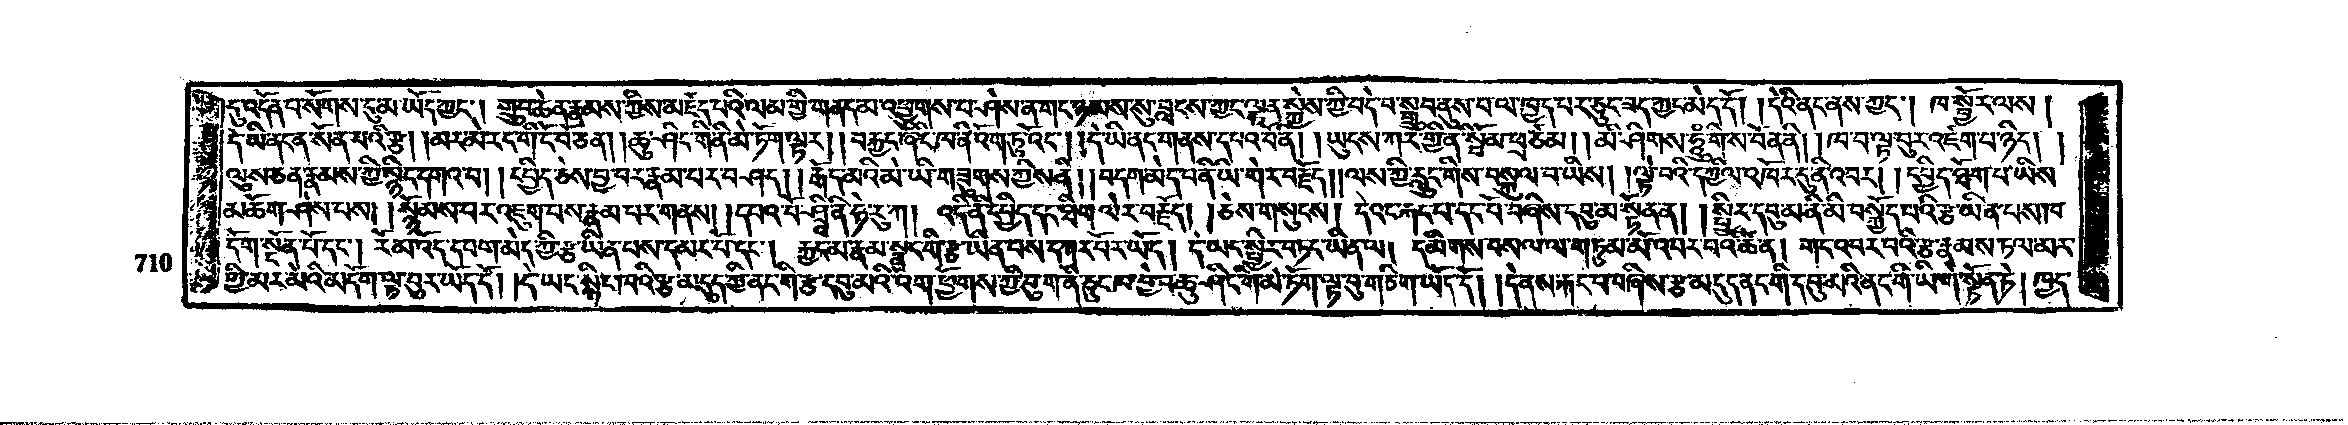དུ་འདོན་པ་སོགས་དུ་མ་ཡོད་ཀྱང་། གྲུབ་ཆེན་རྣམས་ཀྱིས་མཛད་པའི་ལམ་གྱི་གནད་མ་འཕྱུགས་པ་ཤེས་ན་གང་ཉམས་སུ་བླངས་ཀྱང་ལྷན་སྐྱེས་ཀྱི་བདེ་བ་སྒྲུབ་ནུས་པ་ལ་ཁྱད་པར་ཅུང་ཟད་ཀྱང་མེད་དོ། །དེའི་ནང་ནས་ཀྱང་། ཁ་སྦྱོར་ལས།
དེ་ཡི་ནང་ན་སོན་པའི་རྩ། །མར་མེ་རང་གི་ངོ་བོ་ཅན། །ཆུ་ཤིང་གི་ནི་མེ་ཏོག་ལྟར། །བརྐྱང་ཞིང་ཁ་ནི་འོག་ཏུ་འོང་། །དེ་ཡི་ནད་གནས་དཔའ་བོ་ནི། །ཡུངས་ཀར་གྱི་ནི་སྦོམ་ཕྲ་ཙམ། །མི་ཤིགས་ཧཱུཾ་གི་ས་བོན་ནི། །ཁ་བ་ལྟ་བུར་འཛག་པ་ཉིད། །
ལུས་ཅན་རྣམས་ཀྱི་སྙིང་དགའ་བ། །དཔྱིད་ཅེས་བྱ་བར་རྣམ་པར་བཤད། །རྒོད་མའི་མེ་ཡི་གཟུགས་ཀྱིས་ནི། །བདག་མེད་པ་ནི་ཡི་གེར་བརྗོད། །ལས་ཀྱི་རླུང་གིས་བསྐུལ་བ་ཡིས། །ལྟེ་བའི་དཀྱིལ་འཁོར་དུ་ནི་འབར། དཔྱིད་ཐོག་པ་ཡིས་
མཆོག་ཤེས་པས། །སྙོམས་པར་འཇུག་པས་རྣམ་པར་གནས། །དཔའ་བོ་ཤྲཱི་ནི་ཧེ་རུ་ཀ། འདི་ནི་དཔྱིད་དང་ཐེག་ལེར་བརྗོད། །ཅེས་གསུངས། དའང་རྐང་པ་དང་པོ་བཞིས་དབུ་མ་སྟོན་ན། །སྤྱིར་དབུ་མ་ནི་མི་བསྐྱོད་པའི་རྩ་ཡིན་པས་ཁ་
དོག་སྔོན་པོ་དང་། རོ་མ་འོད་དཔག་མེད་ཀྱི་རྩ་ཡིན་པས་དམར་པོ་དང་། རྐྱང་མ་རྣམ་སྣང་གི་རྩ་ཡིན་པས་དཀར་པོར་ཡོད། དེ་ཡང་སྤྱིར་བཏང་ཡིན་ལ། དམིགས་བསལ་ལ་གཏུམ་མོ་འབར་བའི་ཚེ་ན། གང་འབར་བའི་རྩ་རྣམས་ཏལ་མར་
གྱི་མར་མེའི་མདོག་ལྟ་བུར་ཡོད་དོ། །དེ་ཡང་སྙིང་ཁའི་རྩ་མདུད་ཀྱི་ནང་གི་རྩ་དབུ་མའི་འོག་ཕྱོགས་ཀྱི་བུ་ག་ནི་ཅུང་ཁ་བྱེ་བ་ཆུ་ཤིང་གི་མེ་ཏོག་ལྟ་བུ་གཅིག་ཡོད་དོ། །དེ་ནས་རྐང་པ་བཞིས་རྩ་མདུད་ནང་གི་དབུ་མའི་ནང་གི་ཡི་གེ་སྟོན་ཏེ། ཁྱད་